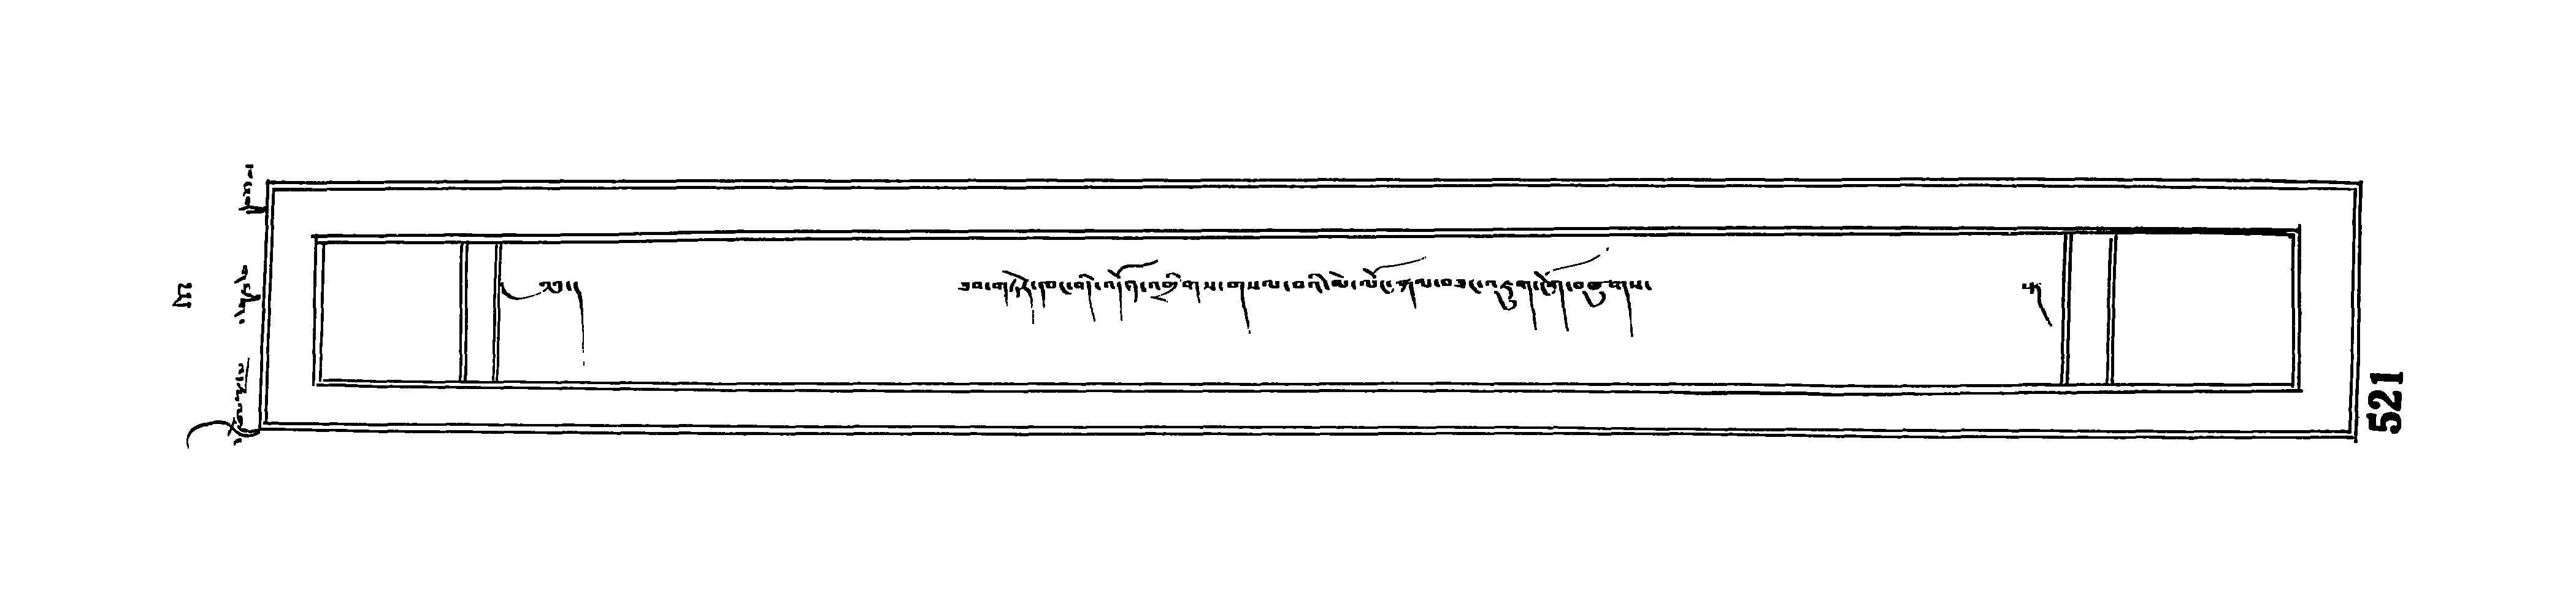༄༅། ཟབ་གཏེར་དབང་གི་འདོན་འཁྲིགས་གསལ་བའི་མེ་ལོང་སྐལ་བཟང་འཇུག་ངོགས་བཞུགས། །